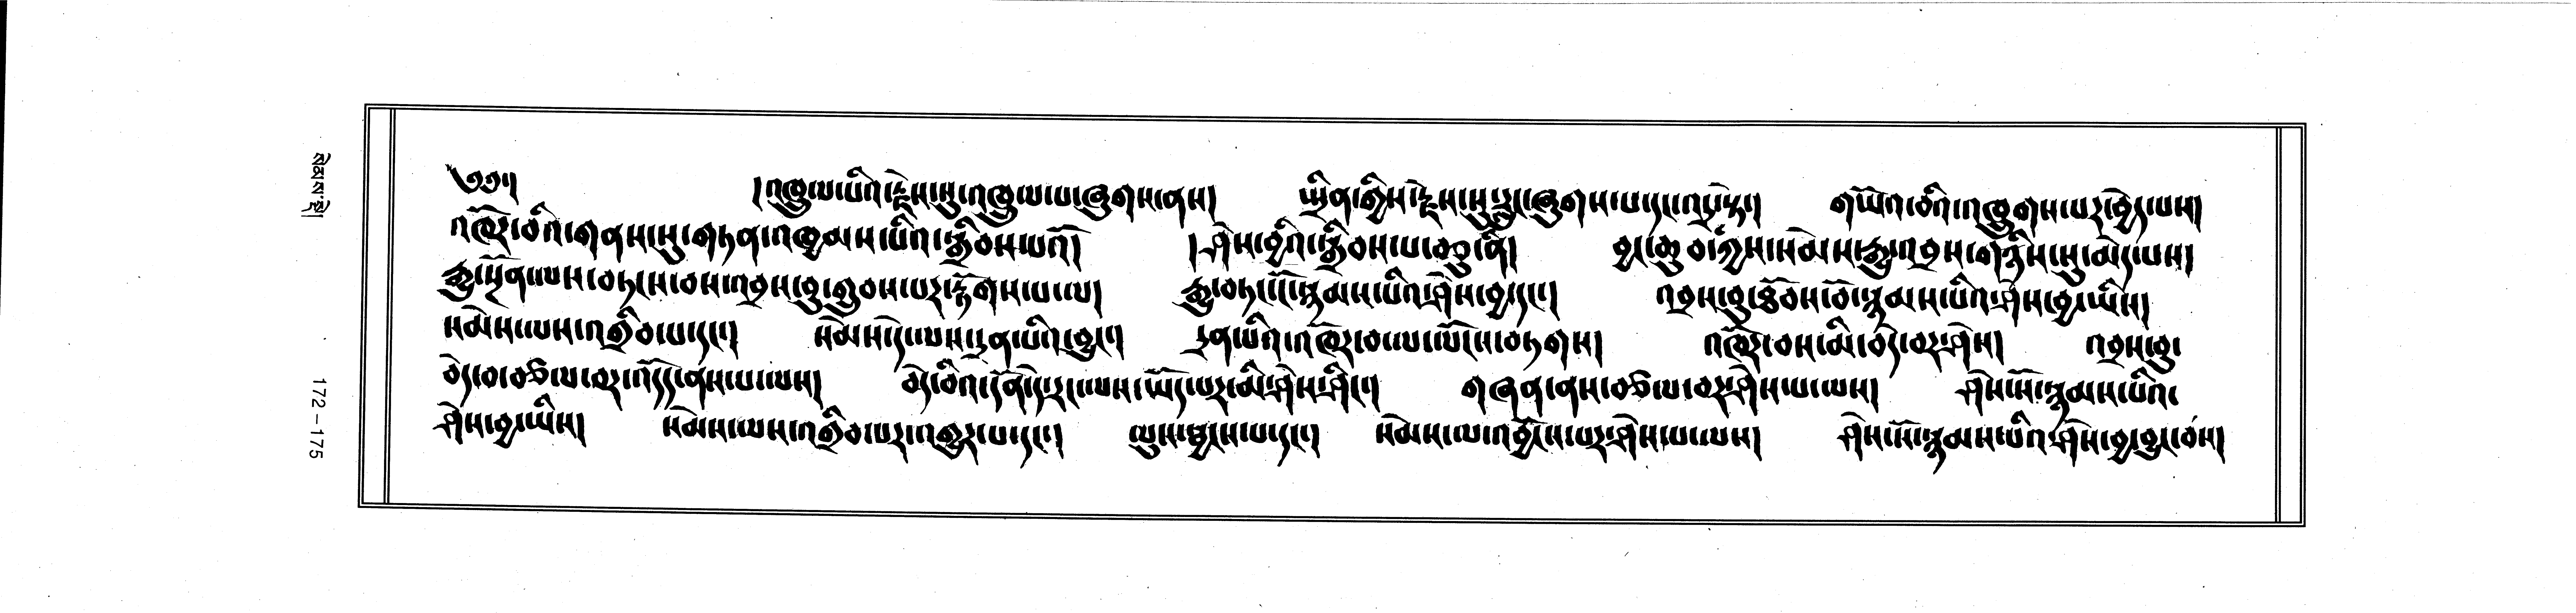འཁྲུལ་པའི་རྗེས་སུ་འཁྲུལ་པ་ཞུགས་ནས། སྤྲིན་གྱིས་རྗེས་སུ་རླུང་ཞུགས་པ་དང་འདྲ་སྟེ། གཡོའ་བའི་འཁྲུགས་པར་བྱེད་པས། 
འཁོར་བའི་གནས་སུ་གཏན་འཁྱམས་པའི་སྒྲིབ་པའོ། ཤེས་བྱའི་སྒྲིབ་བཅུ་ནི། བྱང་ཆུབ་ཀྱིས་སེམས་རྒྱུ་འབྲས་གཉིས་སུ་མེད་པས། 
རྒྱུ་སྔོན་ལས་བཏངས་བས་འབྲས་བུ་གྲུབ་པར་རྟོགས་པ་ལ། རྒྱུ་བཏང་ངོ་སྙམས་པའི་ཤེས་བྱ་དང་། འབྲས་བུ་ཐོབས་བོ་སྙམས་པའི་ཤེས་བྱ་ཡིས།
 སེམས་ལས་འགྲིབ་པ་དང་། སེམས་དེ་ལས་དྲན་པའི་བྱུང་། དྲན་པའི་འཁོར་བ་ལ་ལོངས་བཏགས། འཁོར་བས་མི་བདེ་བར་ཤེས། འབྲས་བུ་
བདེ་བ་བཙལ་བར་འདོད་ནས་པ་ལས། བདེ་བའི་དོན་དེ་རང་ལས་ཡོད་པར་མི་ཤེས་ཤིང་། གཞན་ནས་བཙལ་བར་ཤེས་པ་ལས། ཤེས་སོ་སྙམས་པའི་
ཤེས་བྱ་ཡིས། སེམས་ལས་འགྲིབ་པར་འགྱུར་པ་དང་། ལུས་སྦྱངས་པ་དང་། སེམས་ལ་འབྱོངས་པར་ཤེས་པ་ལས། ཤེས་སོ་སྙམས་པའི་ཤེས་བྱ་བྱུང་བས།